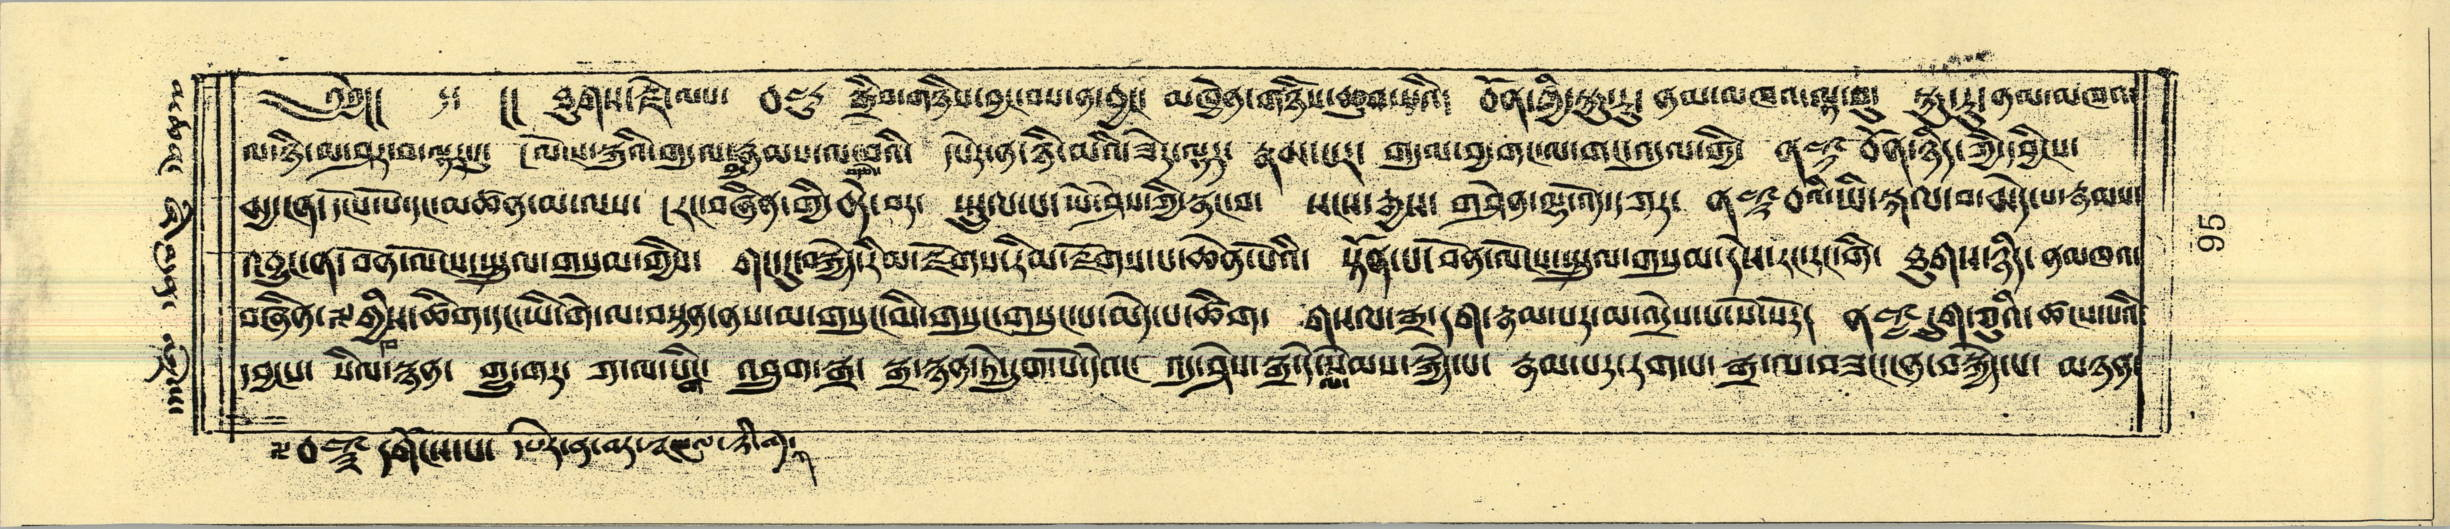༼ཐུགས་རྗེ༽ལས་བ༤༨།༢སྒྲིབ་གཉིས་བྱང་བས་ན་༼བྱང༽མཁྱེན་གཉིས་ཆུབ་པའི་༼བོན་གྱི་སྐུ་རུ༽ནམ་མཁའ་
ལྟ་བུ་༼སྐུ་རུ༽ནམ་མཁའ་ལ་ཉི་མ་ཤར་བ་ལྟར་ལོངས་སྐུའི་གདུལ་བྱ་རྣམས་ལ་བརྩེ་བའི་དཔེར་ན་ཉི་མའི་ཟེར་ལྟར་༼རྣམ་པར༽གདུལ་བྱ་གང་ལ་གང་འདུལ་གྱི་ན༤༩།༡ ༼བོན་ཉིད༽ཀྱི་དབྱིངས་
༼མྱ་ངན༽དངོས་པོ་དང་མཚན་མ་ལས་རང་བཞིན་གྱི་༼བདེ༽བར་༼སྤྲུལ་པ༽ཡེ་ཤེས་ཀྱི་སྣང་བ་༼སངས་རྒྱས༽གཤེན་ལྷ་འོད་དཀར་ན༤༩།༢༼བའི༽ཡི་༼སྐལ༽བ་༼མེད༽པ་རྣམས་ 
༼འབྱུང་ན༽བོན་ལོངས་སྤྲུལ་གསུམ་གྱིས་༼གང་དུ༽བསྐྱེད་རིམ་རྫོགས་རིམ་རྫོགས་པ་ཆེན་པོའི་༼སྟོན་པ༽བོན་ལོངས་སྤྲུལ་གསུམ་༼དེས༽རང་རང་གི་༼ཐུགས་ཉིད༽ནམ་མཁའ་
བཞིན་བ༤༩།༣ དཔེར་ན་བར་སྣང་ལ་ཉི་འོད་༼གྱིས༽ཚིག་དང་ཡི་གེ་ལ་བརྟེན་ནས་མ་གསུངས་མི་གསུང་གསུངས་པ་མེད་པ་ཚིག་༼གསལ༽སྒྲ་༼དག༽རྣམ་པར་མ་འདྲེས་པར་སོ་སོར་ན༤༩།༤༼དྲུག་ཅུའི༽ཚངས་པའི་
དབྱངས་སིལ་སྙན་གླུ་གར་ཀ་ལཱ་པིངྐ་འབྲུག་སྒྲ་སྒྲ་སྙན་ཏེ་དྲུག་པོ་དེ་དང་འདུ་ཤེས་སྒྲ་དེ་ལ་སེམས་བསྐྱེད་པ་རྣམ་པར་རག་པ་སྒྲ་ལ་བཟང་ངན་བསྐྱེད་པ་མཉན་